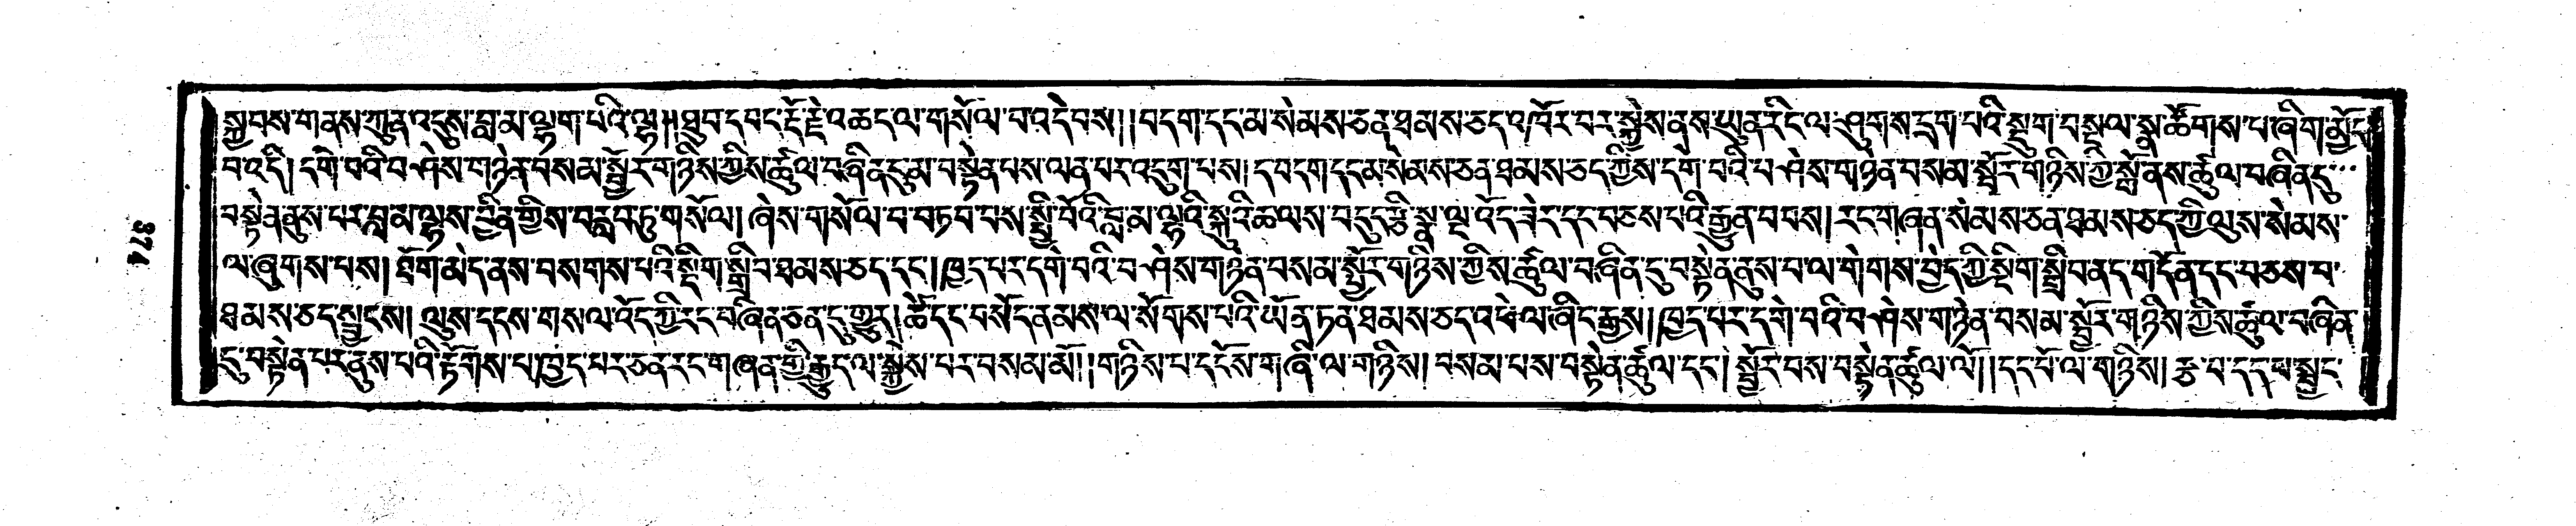སྐྱབས་གནས་ཀུན་འདུས་བླ་མ་ལྷག་པའི་ལྷ། །ཐུབ་དབང་རྡོ་རྗེ་འཆང་ལ་གསོལ་བ་འདེབས། །བདག་དང་མ་སེམས་ཅན་ཐམས་ཅད་འཁོར་བར་སྐྱེས་ནས་ཡུན་རིང་ལ་ཤུགས་དྲག་པའི་སྡུག་བསྔལ་སྣ་ཚོགས་པ་ཞིག་མྱོང་
བ་འདི། དགེ་བའི་བཤེས་གཉེན་བསམ་སྦྱོར་གཉིས་ཀྱིས་ཚུལ་བཞིན་དུ་མ་བསྟེན་པས་ལན་པར་འདུག་པས། ད་བདག་དང་མ་སེམས་ཅན་ཐམས་ཅད་ཀྱིས་དགེ་བའི་བཤེས་གཉེན་བསམ་སྦྱོར་གཉིས་ཀྱི་སྒོ་ནས་ཚུལ་བཞིན་དུ་
བསྟེན་ནུས་པར་བླ་མ་ལྷས་བྱིན་གྱིས་བརླབ་ཏུ་གསོལ། ཞེས་གསོལ་བ་བཏབ་པས་སྤྱི་བོའི་བླ་མ་ལྷའི་སྐུའི་ཆ་ལས་བདུད་རྩི་སྣ་ལྔ་འོད་ཟེར་དང་བཅས་པའི་རྒྱུན་བབས། རང་གཞན་སེམས་ཅན་ཐམས་ཅད་ཀྱི་ལུས་སེམས་
ལ་ཞུགས་པས། ཐོག་མེད་ནས་བསགས་པའི་སྡིག་སྒྲིབ་ཐམས་ཅད་དང་། ཁྱད་པར་དགེ་བའི་བཤེས་གཉེན་བསམ་སྦྱོར་གཉིས་ཀྱིས་ཚུལ་བཞིན་དུ་བསྟེན་ནུས་པ་ལ་གེགས་བྱེད་ཀྱི་སྡིག་སྒྲིབ་ནད་གདོན་དང་བཅས་པ་
ཐམས་ཅད་སྦྱངས། ལུས་དང་ས་གསལ་འོད་ཀྱི་རང་བཞིན་ཅན་དུ་གྱུར། ཚེ་དང་བསོད་ནམས་ལ་སོགས་པའི་ཡོན་ཏན་ཐམས་ཅད་འཕེལ་ཞིང་རྒྱས། ཁྱད་པར་དགེ་བའི་བཤེས་གཉེན་བསམ་སྦྱོར་གཉིས་ཀྱིས་ཚུལ་བཞིན་
དུ་བསྟེན་པར་ནུས་པའི་རྟོགས་པ་ཁྱད་པར་ཅན་རང་གཞན་གྱི་རྒྱུད་ལ་སྐྱེས་པར་བསམ་མོ། །གཉིས་པ་དངོས་གཞི་ལ་གཉིས། བསམ་པས་བསྟེན་ཚུལ་དང་། སྦྱོར་བས་བསྟེན་ཚུལ་ལོ། །དང་པོ་ལ་གཉིས། རྩ་བ་དད་པ་སྦྱང་